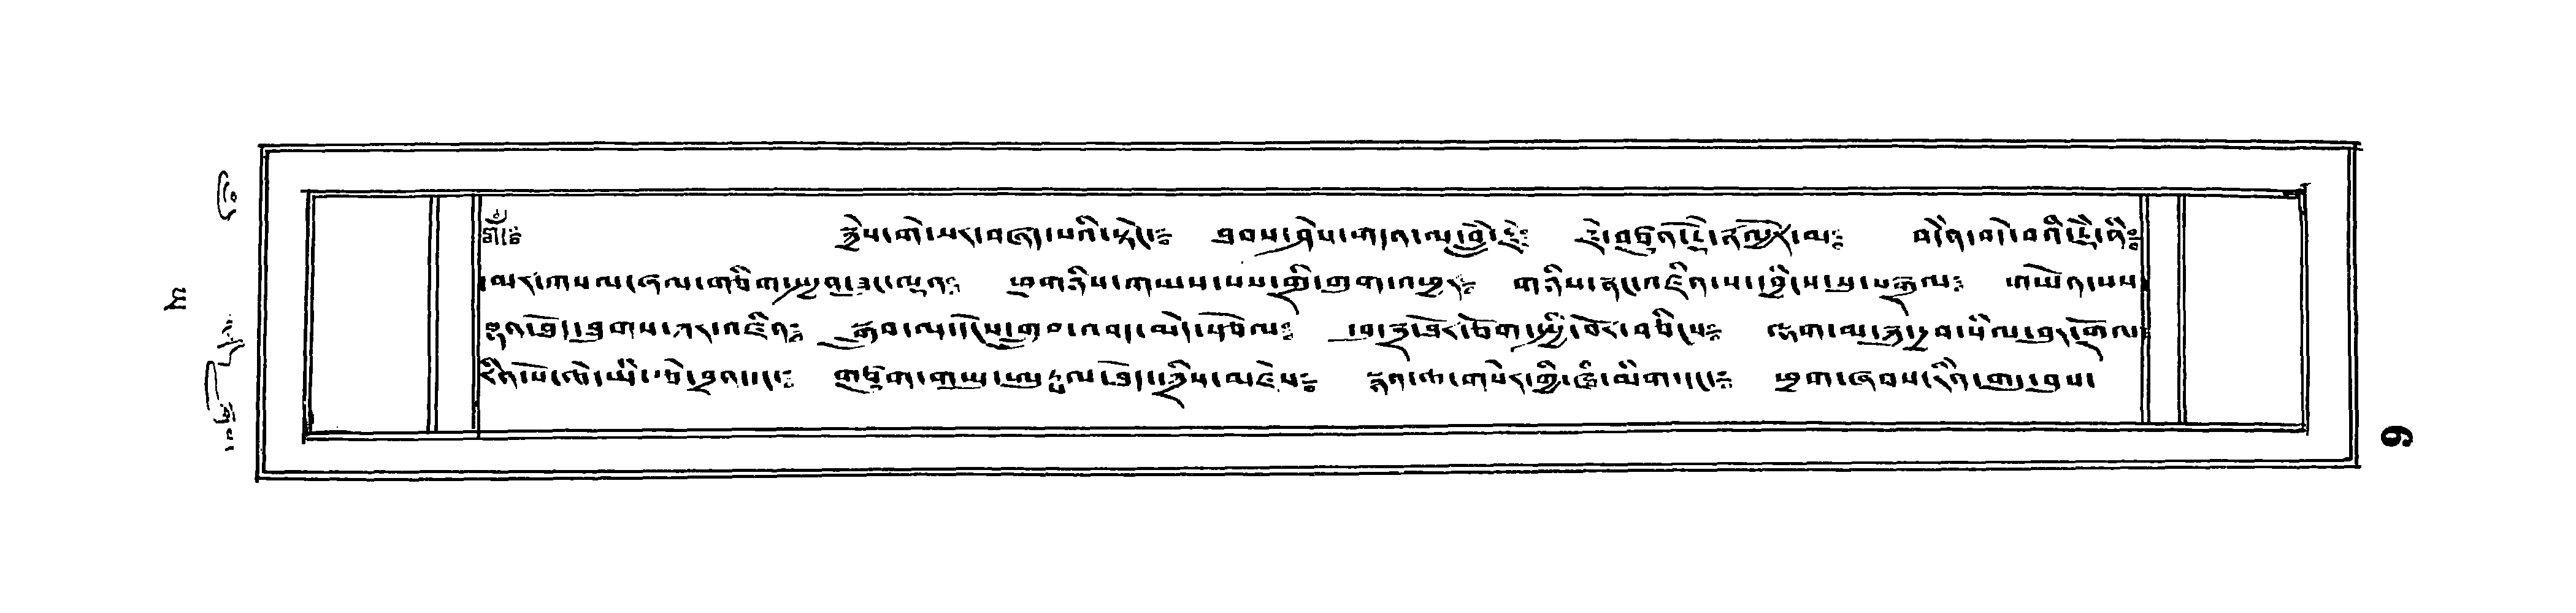སྐྱེས་གེ་སར་བཞད་པའི་སྟེང༔ ཐབས་ཤེས་གདན་ལ་བླ་མ་རྗེ༔ རྗེ་བཙུན་རྡོ་རྗེ་རྣལ་འབྱོར་མ༔ བདེ་ཆེན་བདེ་བའི་རྡོ་རྗེ་ནི༔ 
དམར་གསལ་ཞལ་གཅིག་སྤྱན་ཟུང་ལྡན༔ ཕྱག་གཉིས་གཡས་པས་གྲི་གུག་འཕྱར༔ གཉིས་སྣང་འཛིན་པ་དབྱིངས་སུ་བསྒྲལ༔ གཡོན་པས་
བྷན་ཐོད་ཐུགས་ཀར་འཛིན༔ སྒྲུབ་ལ་དངོས་གྲུབ་འབད་མེད་སྩོལ༔ དབུ་སྐྲ་ཐོར་ཅོག་སྤྱི་བོར་བཅིངས༔ ལྷག་མ་སྐུ་རྒྱབ་སིལ་བུར་གྲོལ༔ 
རིན་པོ་ཆེ་ཡི་རྩེ་བྲན་དང༔ གཙུག་གཡུ་ཨུཏྤལ་ཐོད་དཀྲིས་མཛེས༔ སྙན་ཆ་གསེར་གྱི་ཝཾ་མིག་དང༔ ཕྱག་ཞབས་རིན་ཆེན་གདུ་བུས་